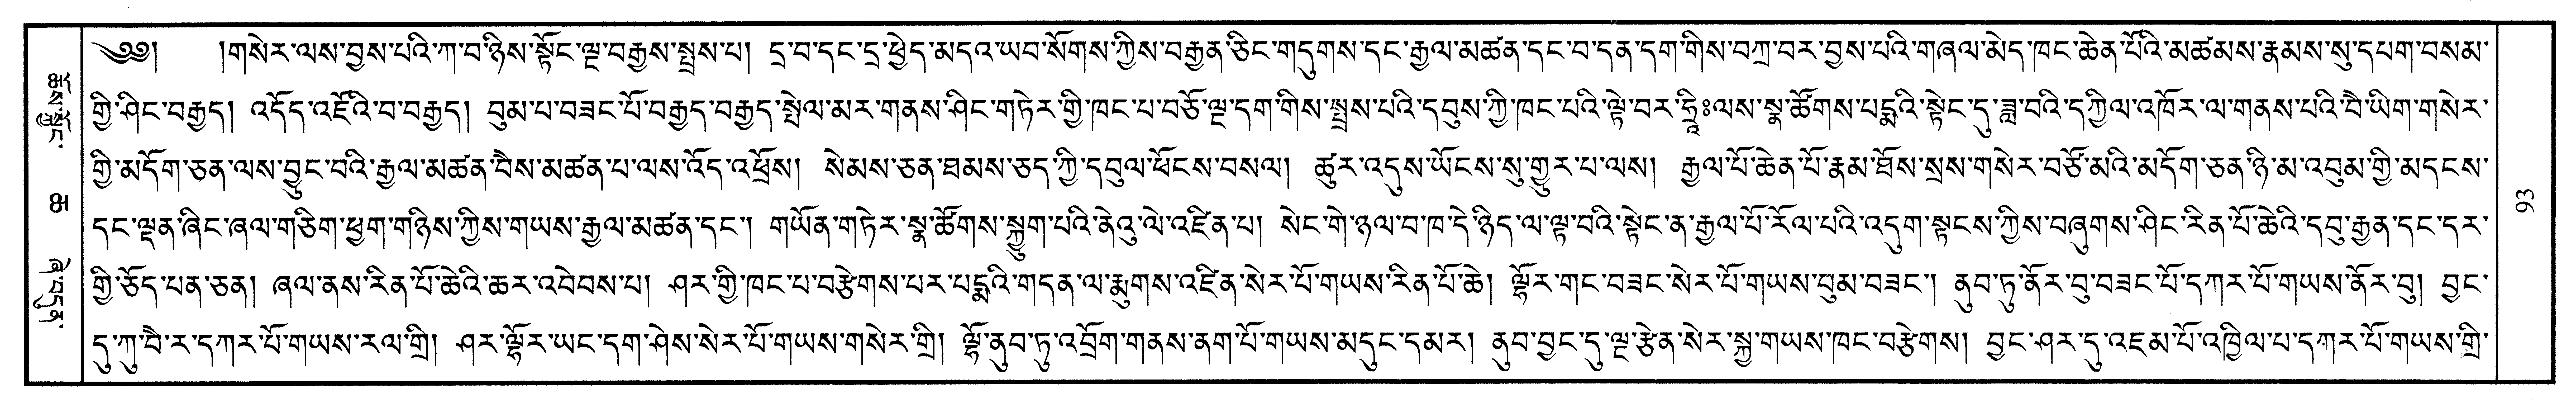༄༅། །གསེར་ལས་བྱས་པའི་ཀ་བ་ཉིས་སྟོང་ལྔ་བརྒྱས་སྤྲས་པ། དྲ་བ་དང་དྲ་ཕྱེད་མདའ་ཡབ་སོགས་ཀྱིས་བརྒྱན་ཅིང་གདུགས་དང་རྒྱལ་མཚན་དང་བ་དན་དག་གིས་བཀྲ་བར་བྱས་པའི་གཞལ་མེད་ཁང་ཆེན་པོའི་མཚམས་རྣམས་སུ་དཔག་བསམ་
གྱི་ཤིང་བརྒྱད། འདོད་འཇོའི་བ་བརྒྱད། བུམ་པ་བཟང་པོ་བརྒྱད་བརྒྱད་སྤེལ་མར་གནས་ཤིང་གཏེར་གྱི་ཁང་པ་བཅོ་ལྔ་དག་གིས་སྤྲས་པའི་དབུས་ཀྱི་ཁང་པའི་ལྟེ་བར་ཧྲཱིཿ ལས་སྣ་ཚོགས་པདམའི་སྟེང་དུ་ཟླ་བའི་དཀྱིལ་འཁོར་ལ་གནས་པའི་བཻ་ཡིག་གསེར་
གྱི་མདོག་ཅན་ལས་བྱུང་བའི་རྒྱལ་མཚན་བཻས་མཚན་པ་ལས་འོད་འཕྲོས། སེམས་ཅན་ཐམས་ཅད་ཀྱི་དབུལ་ཕོངས་བསལ། ཚུར་འདུས་ཡོངས་སུ་གྱུར་པ་ལས། རྒྱལ་པོ་ཆེན་པོ་རྣམ་ཐོས་སྲས་གསེར་བཙོ་མའི་མདོག་ཅན་ཉི་མ་འབུམ་གྱི་མདངས་
དང་ལྡན་ཞིང་ཞལ་གཅིག་ཕྱག་གཉིས་ཀྱིས་གཡས་རྒྱལ་མཚན་དང་། གཡོན་གཏེར་སྣ་ཚོགས་སྐྱུག་པའི་ནེའུ་ལེ་འཛིན་པ། སེང་གེ་ཉལ་བ་ཁ་དེ་ཉིད་ལ་ལྟ་བའི་སྟེང་ན་རྒྱལ་པོ་རོལ་པའི་འདུག་སྟངས་ཀྱིས་བཞུགས་ཤིང་རིན་པོ་ཆེའི་དབུ་རྒྱན་དང་དར་
གྱི་ཅོད་པན་ཅན། ཞལ་ནས་རིན་པོ་ཆེའི་ཆར་འབེབས་པ། ཤར་གྱི་ཁང་པ་བརྩེགས་པར་པདམའི་གདན་ལ་རྨུགས་འཛིན་སེར་པོ་གཡས་རིན་པོ་ཆེ། ལྷོར་གང་བཟང་སེར་པོ་གཡས་བུམ་བཟང་། ནུབ་ཏུ་ནོར་བུ་བཟང་པོ་དཀར་པོ་གཡས་ནོར་བུ། བྱང་
དུ་ཀུ་བཻ་ར་དཀར་པོ་གཡས་རལ་གྲི། ཤར་ལྷོར་ཡང་དག་ཤེས་སེར་པོ་གཡས་གསེར་གྲི། ལྷོ་ནུབ་ཏུ་འབྲོག་གནས་ནག་པོ་གཡས་མདུང་དམར། ནུབ་བྱང་དུ་ལྔ་རྩེན་སེར་སྐྱ་གཡས་ཁང་བརྩེགས། བྱང་ཤར་དུ་འཇམ་པོ་འཁྱིལ་པ་དཀར་པོ་གཡས་གྲི་